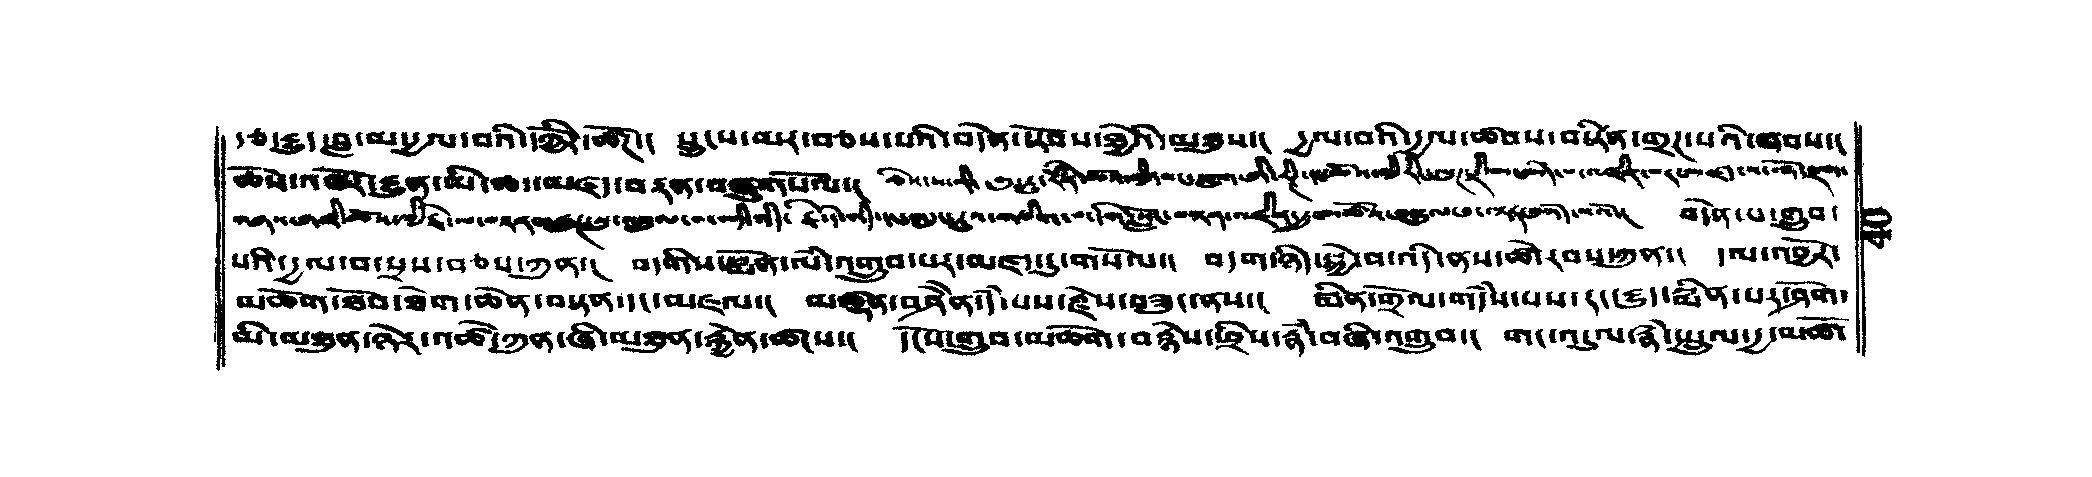།རྩ་རྒྱུད་བླ་མ་རྒྱལ་བའི་དཀྱིལ་འཁོར་ཚོགས། །སྲུང་མར་བཅས་པའི་བདེན་སྟོབས་ཐུགས་རྗེའི་མཐུས། །རྒྱལ་བའི་རྒྱལ་ཚབ་བསྟན་འཛིན་གྲགས་པའི་ཞབས། །
ཆོས་འཁོར་རྒྱུན་མི་ཆད་མཛད་བརྟན་བཞུགས་གསོལ།ཅེས་པ་ནི་གུ་རུ་རིན་པོ་ཆེ་ཆོས་ཀྱི་དབང་ཕྱུག་གི་རིགས་དང་ཆོས་ཀྱི་རིང་ལུགས་དྲི་མ་མེད་པ་འཛིན་པར་མཛད་པ་ལྷོ་བྲག་
གནས་གཞི་ཆོས་ཀྱི་རྗེ་ལ་བརྟན་བཞུགས་སུ་འབུལ་བ་འདི་ཉིད། རྗེ་དེ་ཉིད་དང་གདུང་རུས་གཅིག་པ་དགེ་སློང་བསྟན་འཛིན་རྒྱ་མཚོས་བསྐུལ་བ་ལྟར་བཀོད་པའོ།། བདེན་པ་གྲུབ་
པའི་རྒྱལ་བ་སྲས་བཅས་ཀུན། །བདག་གིས་སྨོན་ལམ་འགྲུབ་པར་མཛད་དུ་གསོལ། །བདག་ཉིད་སྐྱེ་བ་འདི་ནས་ཚེ་རབས་ཀུན། །དལ་འབྱོར་
མཆོག་ཐོབ་ཐེག་ཆེན་བསྟན་དང་མཇལ། །མཚན་ལྡན་བཤེས་གཉེན་དམ་པས་རྗེས་བཟུང་ནས། །སྨིན་གྲོལ་གདམས་པས་རང་རྒྱུད་སྨིན་པར་ཤོག །
མི་མཐུན་ཉེར་འཚེ་ཀུན་ཞི་མཐུན་རྐྱེན་ཚང་། །དངོས་གྲུབ་མཆོག་བརྙེས་ཕྲིན་ལས་རྣམ་བཞི་འགྲུབ། །གང་འདུལ་རྣམ་སྤྲུལ་རྒྱ་མཚོ་